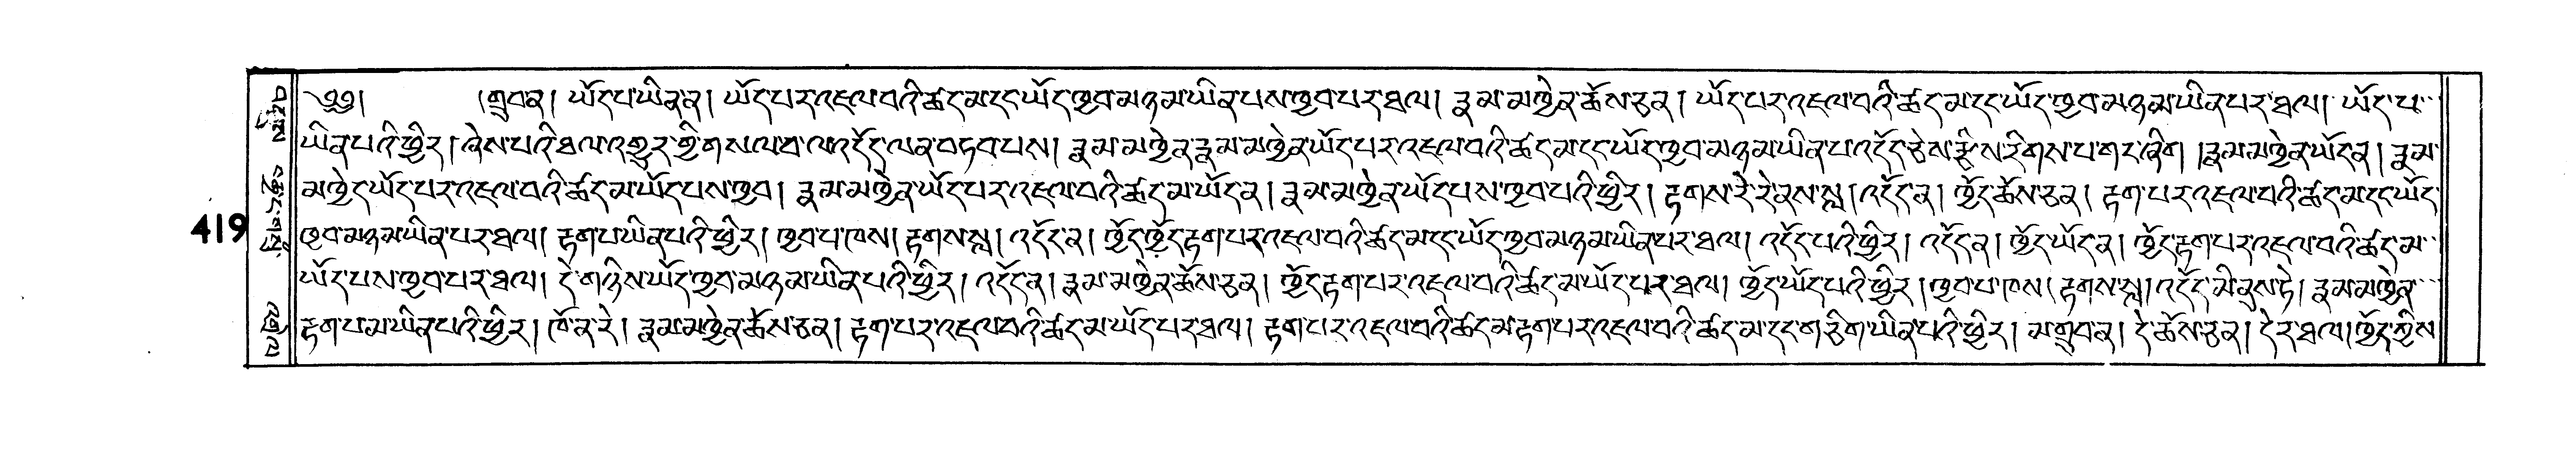༄༅། །གྲུབ་ན། ཡོད་པ་ཡིན་ན། ཡོད་པར་འཇལ་བའི་ཚད་མ་དང་ཡོད་ཁྱབ་མཉམ་ཡིན་པས་ཁྱབ་པར་ཐལ། རྣམ་མཁྱེན་ཆོས་ཅན། ཡོད་པར་འཇལ་བའི་ཚད་མ་དང་ཡོད་ཁྱབ་མཉམ་ཡིན་པར་ཐལ། ཡོད་པ་
ཡིན་པའི་ཕྱིར། ཞེས་པའི་ཐལ་འགྱུར་གྱི་གསལ་བ་ལ་འདོད་ལན་བཏབ་པས། རྣམ་མཁྱེན་རྣམ་མཁྱེན་ཡོད་པར་འཇལ་བའི་ཚད་མ་དང་ཡོད་ཁྱབ་མཉམ་ཡིན་པ་འདོད་ཅེས་རྩིས་རིགས་པ་གང་ཞིག །རྣམ་མཁྱེན་ཡོད་ན། རྣམ་
མཁྱེན་ཡོད་པར་འཇལ་བའི་ཚད་མ་ཡོད་པས་ཁྱབ། རྣམ་མཁྱེན་ཡོད་པར་འཇལ་བའི་ཚད་མ་ཡོད་ན། རྣམ་མཁྱེན་ཡོད་པས་ཁྱབ་པའི་ཕྱིར། རྟག་སྲེག་རེ་ནས་སླ། འདོད་ན། ཁྱོད་ཆོས་ཅན། རྟག་པར་འཇལ་བའི་ཚད་མ་དང་ཡོད་
ཁྱབ་མཉམ་ཡིན་པར་ཐལ། རྟག་པ་ཡིན་པའི་ཕྱིར། ཁྱབ་པ་ཁས། རྟགས་སླ། འདོད་ན། ཁྱོད་ཁྱོད་རྟག་པར་འཇལ་བའི་ཚད་མ་དང་ཡོད་ཁྱབ་མཉམ་ཡིན་པར་ཐལ། འདོད་པའི་ཕྱིར། འདོད་ན། ཁྱོད་ཡོད་ན། ཁྱོད་རྟོག་པར་འཇལ་བའི་ཚད་མ་
ཡོད་པས་ཁྱབ་པར་ཐལ། དེ་གཉིས་ཡོད་ཁྱབ་མཉམ་ཡིན་པའི་ཕྱིར། འདོད་ན། རྣམ་མཁྱེན་ཆོས་ཅན། ཁྱོད་རྟག་པར་འཇལ་བའི་ཚད་མ་ཡོད་པར་ཐལ། ཁྱོད་ཡོད་པའི་ཕྱིར། ཁྱབ་པ་ཁས། རྟགས་སླ། འདོད་མི་ནུས་ཏེ། རྣམ་མཁྱེན་
རྟག་པར་མ་ཡིན་པའི་ཕྱིར། ཁོ་ན་རེ། རྣམ་མཁྱེན་ཆོས་ཅན། རག་པར་འཇལ་བའི་ཚད་མ་ཡོད་པར་ཐ། རྟག་པར་འཇལ་བའི་ཚད་མ་རྟག་པར་འཇལ་བའི་ཚད་མ་དང་གཅིག་ཡིན་པའི་ཕྱིར། མ་གྲུབ་ན། དེ་ཆོས་ཅན། དེར་ཐལ། དེར་ཐལ། ཁྱོད་ཀྱིས་